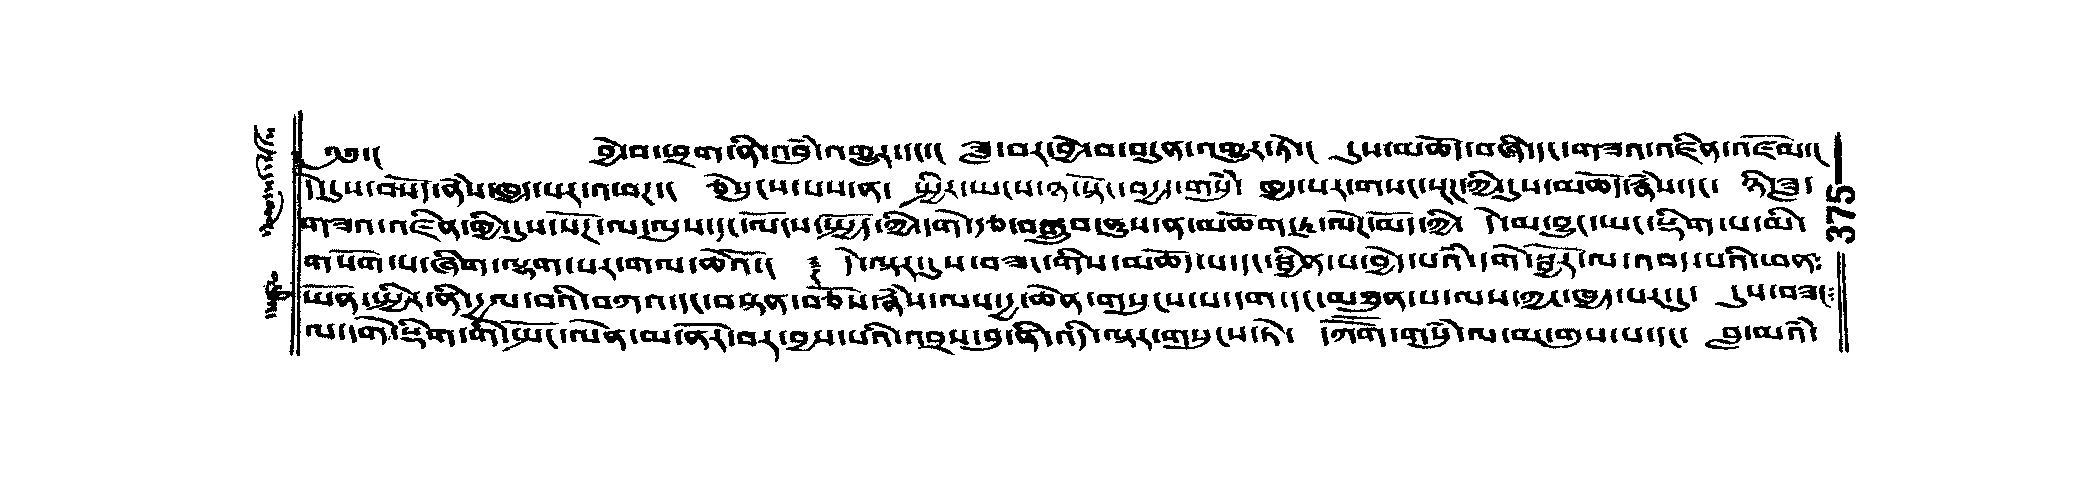།བྱེ་བ་ཕྲག་ནི་འབུམ་འགྱུར་དང་། །ཟླ་བ་བྱེ་བ་བདུན་འགྱུར་ཏེ། །དུས་མཆོད་བཞི་དང་གཟའ་འཛིན་འཛོམ། །
དེ་དུས་བསོད་ནམས་ཁྱད་པར་འཕགས། ཅེས་གསུངས་པས་ན། སྤྱིར་ཡང་ཉ་སྟོང་བརྒྱད་གསུམ། ཁྱད་པར་གསང་སྔགས་ཀྱི་དུས་མཆོད་རྣམས་དང་། ཉི་ཟླ་
གཟའ་འཛིན་གྱི་དུས་སོགས་ལ་ལུས་དང་ལོངས་སྤྱོད་ཀྱི་དགེ་རྩ་བསྒྲུབ་ནུས་ན་མཆོག་ཏུ་ལེགས་མོད་ཀྱི། དེ་མ་བྱུང་ཡང་སྡིག་པ་མི་
གསོག་པ་ཞིག་ལྷག་པར་གལ་ཆེའོ།། ༈ དེ་ལྟར་དུས་བཟང་གིས་མཆོད་པ་དང་སྦྱིན་པ་བྱེད་པའམ་དགེ་སྦྱོར་ལ་འབད་པའི་ཕན་
ཡོན་སྤྱིར་ནི་རྒྱལ་བའི་བཀའ་དང་བསྟན་བཅོས་རྣམས་ལས་རྒྱ་ཆེན་གསུངས་པ་དག་དང་མཐུན་པ་ལས་ཀྱང་ཁྱད་པར་དུ། དུས་བཟང་
ལ་དགེ་སྡིག་གི་སྤོང་ལེན་མ་ནོར་བར་བྱས་པའི་འབྲས་བུ་ནི་འདི་ལྟར་གསུངས་ཏེ། དཀོན་མཆོག་གསུམ་ལ་མ་གུས་པ་དང་། །བླ་མའམ་